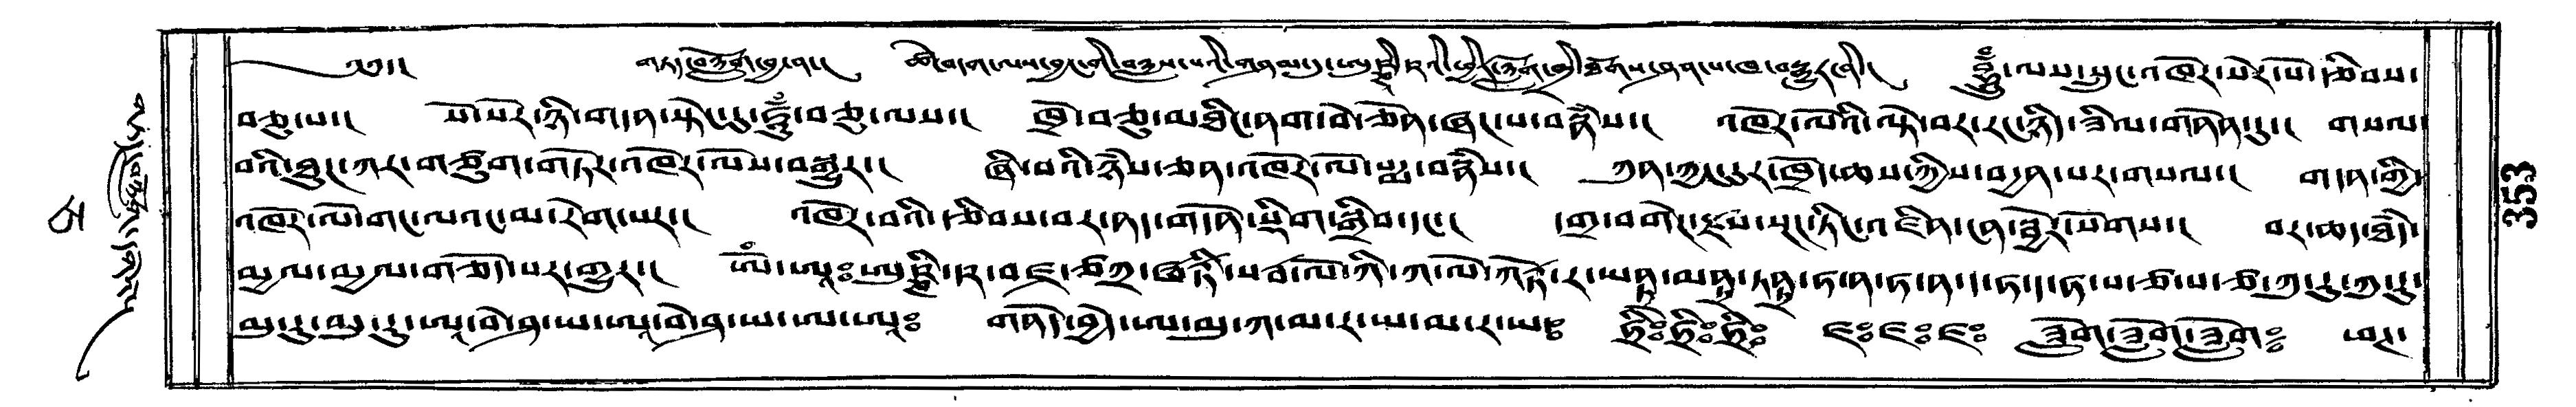༄༅། གཏད་བཟློག་བྱ་ན། ཚེ་བདག་ལས་བྱང་གི་བཟླས་པའི་གཤམ་དུ་ཨུཥྞཱི་རའི་ཕྱིར་ཟློག་གྲི་ཐོགས་ཤན་པ་ཁ་སྒྱུར་ནི། བྷྲཱུྃ་ལས་སྲུང་འཁོར་སེར་པོ་རྩིབས་
བཅུ་པ། །སོ་སོར་ཉི་གདན་སྟེང་དུ་ཧཱུྃ་བཅུ་ལས། ཁྲོ་བཅུ་མཐིང་ནག་བེ་ཅོན་ཞགས་པ་བརྣམས། འཁོར་ལོའི་ལྟེ་བར་རང་ཉིད་ཟིལ་གནོན་དུ། །གསལ་
བའི་ཐུགས་ཀར་གཙུག་གཏོར་འཁོར་ལོས་བསྒྱུར། །ཞི་བའི་ཉམས་ཅན་འཁོར་ལོ་པདྨ་བསྣམས། །ཀུན་ཀྱང་དུར་ཁྲོད་ཆས་ཀྱིས་བརྒྱན་པར་གསལ། །གདན་གྱི་
འཁོར་ལོ་གང་ལའང་མ་རེག་པར། །འཁོར་བའི་རྩིབས་བར་ནད་གདོན་སྡིག་སྒྲིབ་དང། །དགྲ་བགེགས་རྫས་སྔགས་ཏིང་འཛིན་ངན་སྦྱོར་སོགས། །བར་ཆད་ཐམས་ཅད་
མྱལ་མྱལ་གཅོད་པར་གྱུར། ཨོཾ་ཨཱཿཨུཥྞི་ར་བཛྲ་ཙཀྲ་ཝརྟི་སརྦ་ལོ་ཀི་ཀ་ལོ་ཀྲོདྷར་ཛ་ཡནྟྲ་མནྟྲ་ཏནྟྲ་ཧ་ན་ཧ་ན་ད་ཧ་ད་ཧ་པ་ཙ་པ་ཙ་ཀུ་རུ་ཀུ་རུ་
མུ་རུ་མུ་རུ་ཨཱ་བེ་ཤ་ཡ་ཨ་ཨཱཿ གནོད་བྱེད་ཨ་མུ་ཀ་མ་ར་ཡ་མ་ར་ཡཿ ཧྲཱིཿཧྲཱིཿཧྲཱིཿ ཛཿཛཿཛཿ ཟློག་ཟློག་ཟློག ཕཊ་